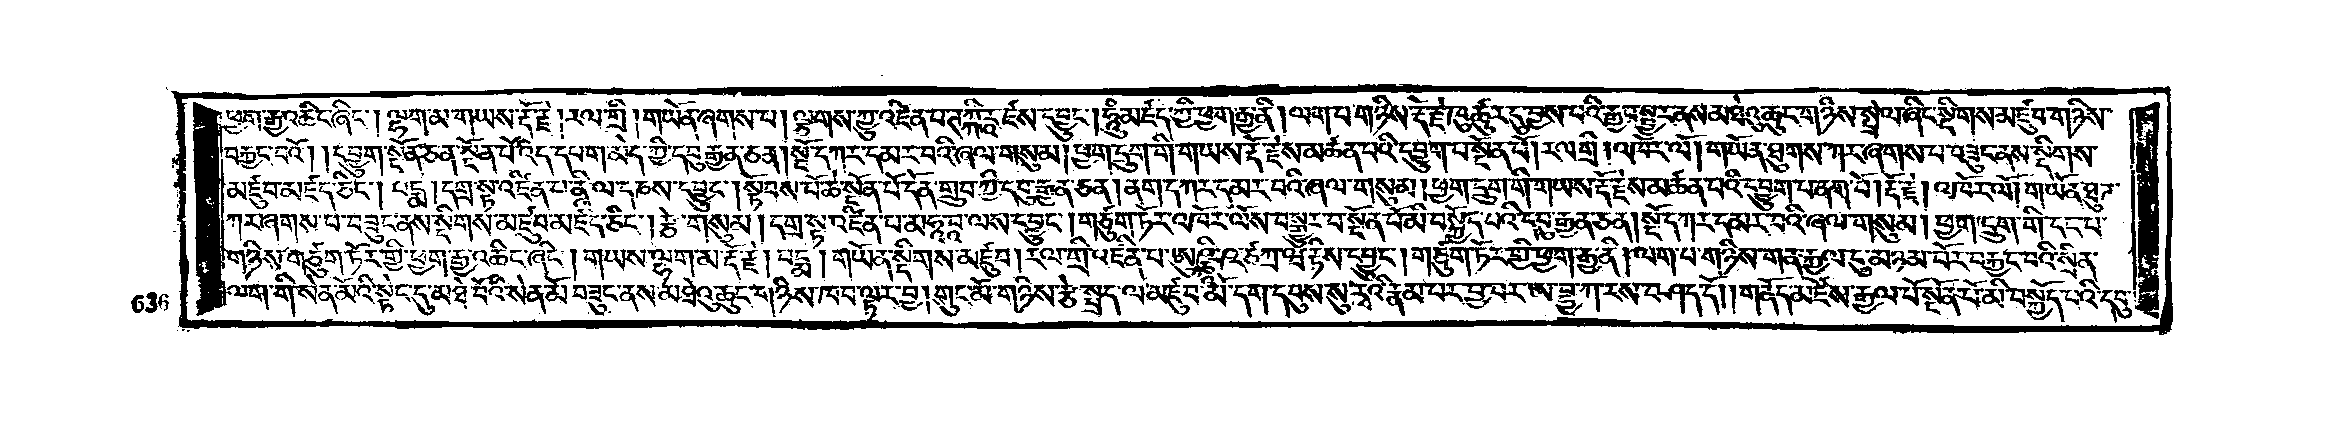ཕྱག་རྒྱ་འཆིང་ཞིང་། ལྷག་མ་གཡས་རྡོ་རྗེ། རལ་གྲི། གཡོན་ཞགས་པ། ལྕགས་ཀྱུ་འཛིན་པ་ཊ་ཀྐི་རཱ་ཛས་དབྱུང་། ཧཱུཾ་མཛད་ཀྱི་ཕྱག་རྒྱ་ནི། ལག་པ་གཉིས་རྡོ་རྗེ་ཁུ་ཚུར་དུ་བྱས་པའི་རྒྱབ་སྦྱར་ནས་མཐེའུ་ཆུང་གཉིས་སྤྲེལ་ཞིང་སྡིགས་མཛུབ་གཉིས་
བརྐྱང་བའོ། །དབྱུག་སྔོན་ཅན་སྔོན་པོ་འོད་དཔག་མེད་ཀྱི་དབུ་རྒྱན་ཅན། སྔོ་དཀར་དམར་བའི་ཞལ་གསུམ། ཕྱག་དྲུག་གི་གཡས་རྡོ་རྗེས་མཚན་པའི་དབྱུག་པ་སྔོན་པོ། རལ་གྲི། འཁོར་ལོ། གཡོན་ཐུགས་ཀར་ཞགས་པ་བཟུང་ནས་སྡིགས་
མཛུབ་མཛད་ཅིང་། པདམ། དགྲ་སྟ་འཛིན་པ་ནཱི་ལ་དཎྜས་དབྱུང་། སྟོབས་པོ་ཆེ་སྔོན་པོ་དོན་གྲུབ་ཀྱི་དབུ་རྒྱན་ཅན། ནག་དཀར་དམར་བའི་ཞལ་གསུམ། ཕྱག་དྲུག་གི་གཡས་རྡོ་རྗེས་མཚན་པའི་དབྱུག་པ་ནག་པོ། རྡོ་རྗེ། འཁོར་ལོ། གཡོན་ཐུགས་
ཀར་ཞགས་པ་བཟུང་ནས་སྡིགས་མཛུབ་མཛད་ཅིང་། རྩེ་གསུམ། དགྲ་སྟ་འཛིན་པ་མཧཱ་བཱ་ལས་དབྱུང་། གཙུག་ཏོར་འཁོར་ལོས་བསྒྱུར་བ་སྔོན་པོ་མི་བསྐྱོད་པའི་དབུ་རྒྱན་ཅན། སྔོ་དཀར་དམར་བའི་ཞལ་གསུམ། ཕྱག་དྲུག་གི་དང་པོ་
གཉིས་གཙུག་ཏོར་གྱི་ཕྱག་རྒྱ་འཆིང་ཞིང་། གཡས་ལྷག་མ་རྡོ་རྗེ། པདམ། གཡོན་སྡིགས་མཛུབ། རལ་གྲི་འཛིན་པ་ཨུཥྞི་ཥ་ཙཀྲ་ཝ་རྟིས་དབྱུང་། གཙུག་ཏོར་གྱི་ཕྱག་རྒྱ་ནི། ལག་པ་གཉིས་གན་རྒྱལ་དུ་མཉམ་པོར་བརྐྱང་བའི་སྲིན་
ལག་གི་སེན་མོའི་སྟེང་དུ་མཐེ་བོའི་སེན་མོ་བཟུང་ནས་མཐེའུ་ཆུང་གཉིས་ཁབ་ལྟར་བྱ། གུང་མོ་གཉིས་རྩེ་སྤྲད་ལ་མཛུབ་མོ་དག་དབུས་སུ་རྭཱི་རྣམ་པར་བྱ་བར་ཨ་བྷྱ་ཀ་རས་བཤད་དོ། །གནོད་མཛེས་རྒྱལ་པོ་སྔོན་པོ་མི་བསྐྱོད་པའི་དབུ་